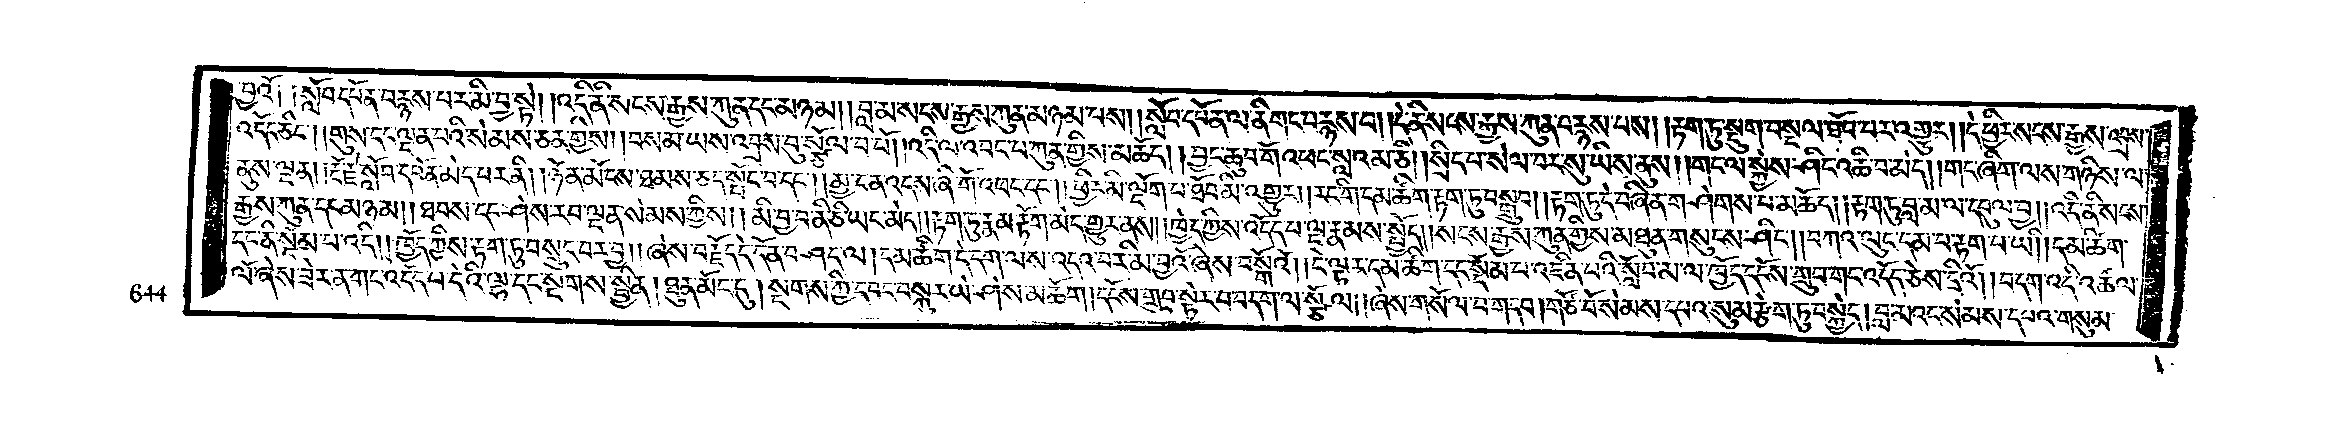བྱའོ། །སློབ་དཔོན་བརྙས་པར་མི་བྱ་སྟེ། །འདི་ནི་སངས་རྒྱས་ཀུན་དང་མཉམ། །བླ་མ་སངས་རྒྱས་ཀུན་མཉམ་པས། །སློབ་དཔོན་ལ་ནི་གང་བརྙས་པ། །དེ་ནི་སངས་རྒྱས་ཀུན་བརྙས་པས། །རྟག་ཏུ་སྡུག་བསྔལ་ཐོབ་པར་འགྱུར། །དེ་ཕྱིར་སངས་རྒྱས་འབྲས་
འདོད་ཅིང་། །གུས་དང་ལྡན་པའི་སེམས་ཅན་གྱིས། །བསམ་ཡས་འབྲས་བུ་སྩོལ་བ་པོ། །འདི་ལ་འབང་པ་ཀུན་གྱིས་མཆོད། །བྱང་ཆུབ་གོ་འཕང་སླའམ་ཅི། །སྲིད་པ་སེལ་བར་སུ་ཡིས་ནུས། །གང་ལ་སྐྱེས་ཤིང་འཆི་བ་མེད། །གང་ཞིག་ལས་གཉིས་ལ་
ནུས་ལྡན། །རྡོ་རྗེ་སློབ་དཔོན་མེད་པར་ནི། །ཉོན་མོངས་ཐམས་ཅད་སྤོང་བ་དང་། །མྱ་ངན་འདས་ཞི་གོ་འཕང་དང་། །ཕྱིར་མི་ལྡོག་པ་ཐོབ་མི་འགྱུར། །རང་གི་དམ་ཚིག་རྟག་ཏུ་བསྒྲུབ། །རྟག་ཏུ་དེ་བཞིན་གཤེགས་པ་མཆོད། །རྟག་ཏུ་བླ་མ་ལ་དབུལ་བྱ། །འདི་ནི་སངས་
རྒྱས་ཀུན་དང་མཉམ། །ཐབས་དང་ཤེས་རབ་ལྡན་སེམས་ཀྱིས། །མི་བྱ་བ་ནི་ཅི་ཡང་མེད། །རྟག་ཏུ་རྣམ་རྟོག་མེད་གྱུར་ནས། །ཁྱེད་ཀྱིས་འདོད་པ་ལྔ་རྣམས་སྤྱོད། །སངས་རྒྱས་ཀུན་གྱིས་མཐུན་གསུངས་ཤིང་། །བཀའ་ལུང་དམ་པ་རྟག་པ་ཡི། །དམ་ཚིག་
དང་ནི་སྡོམ་པ་འདི། །ཁྱོད་ཀྱིས་རྟག་ཏུ་བསྲུང་བར་བྱ། །ཞེས་བརྗོད་དེ་དོན་བཤད་ལ། དམ་ཚིག་དེ་དག་ལས་འདའ་བར་མི་བྱའོ་ཞེས་བསྒོའོ། །དེ་ལྟར་དམ་ཚིག་དང་སྡོམ་པ་འཛིན་པའི་སློབ་མ་ལ་ཁྱོད་དངོས་གྲུབ་གང་འདོད་ཅེས་དྲིའོ། །བདག་འདི་འཚལ་
ལོ་ཞེས་ཟེར་ན་གང་འདོད་པ་དེའི་ལྷ་དང་སྔགས་སྦྱིན། ཐུན་མོང་དུ། སྔགས་ཀྱི་དབང་བསྐུར་ཡེ་ཤེས་མཆོག །དངོས་གྲུབ་སྟེར་བ་བདག་ལ་སྩོལ། །ཞེས་གསོལ་བ་གདབ། གཙོ་བོ་སེམས་དཔའ་སུམ་རྩེག་ཏུ་བསྐྱེད། བླ་མའང་སེམས་དཔའ་གསུམ་